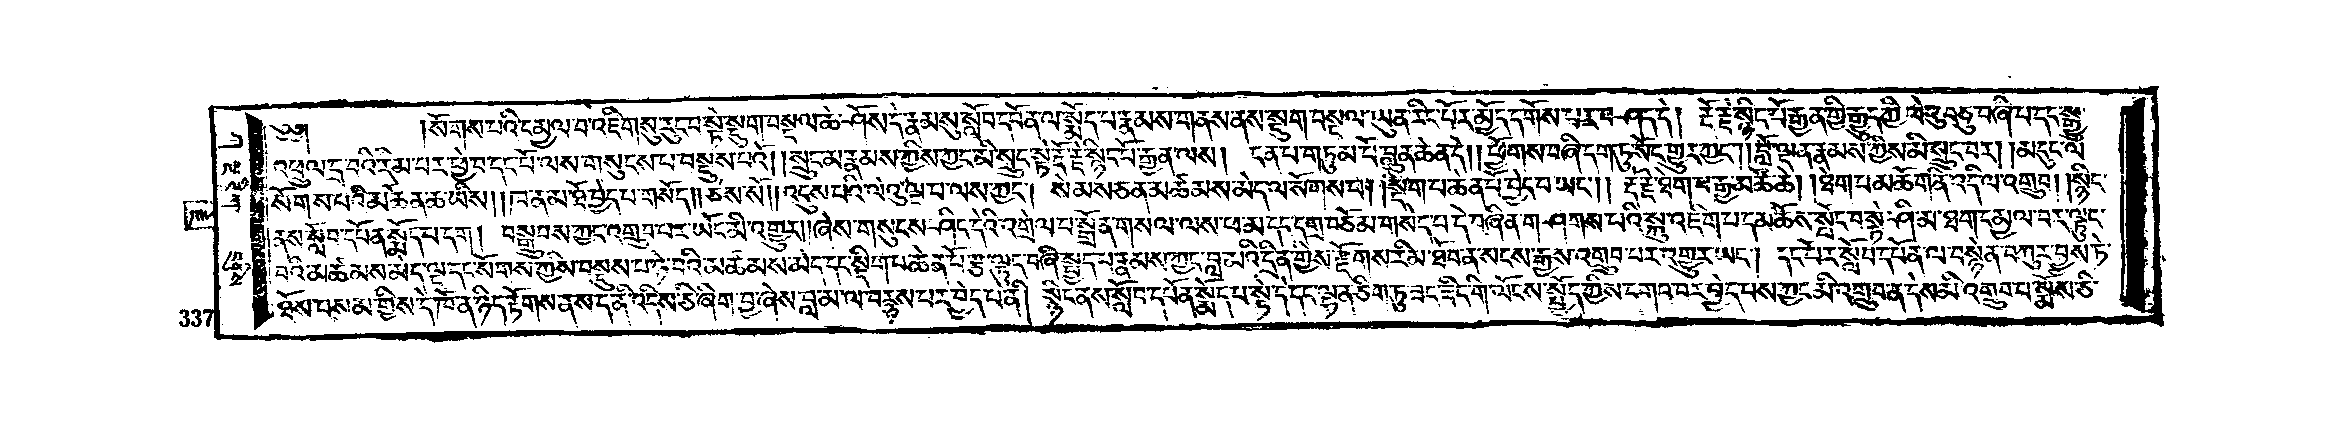༄༅། །སོགས་པའི་དམྱལ་བ་འཇིགས་སུ་རུང་བ་སྟེ་སྡུག་བསྔལ་ཆེ་ཤོས་དེ་རྣམས་སུ་སློབ་དཔོན་ལ་སྨོད་པ་རྣམས་གནས་ནས་སྡུག་བསྔལ་ཡུན་རིང་པོར་མྱོད་དགོས་པར་བཤད་དེ། རྡོ་རྗེ་སྙིང་པོ་རྒྱན་གྱི་རྒྱུད་ཀྱི་ལེའུ་བཅུ་བཞི་པ་དང་སྒྱུ་
འཕྲུལ་དྲ་བའི་རིམ་པར་ཕྱེ་བ་དང་པོ་ལས་གསུངས་པ་བསྡུས་པའོ། །སྲུང་མ་རྣམས་ཀྱིས་ཀྱང་མི་སྲུང་སྟེ་རྡོ་རྗེ་སྙིང་པོ་རྒྱན་ལས། ངན་པ་གཏུམ་པོ་བླུན་ཆེན་དེ། །ཕྱོགས་བཞི་དག་ཏུ་སོང་གྱུར་ཀྱང་། །བློ་ལྡན་རྣམས་ཀྱིས་མི་སྲུང་བར། །མདུང་ལ་
སོགས་པའི་མཚོན་ཆ་ཡིས། །ཁ་ན་མ་ཐོ་བྱེད་པ་གསོད། །ཅེས་སོ། །འདུས་པའི་ལེའུ་ལྔ་པ་ལས་ཀྱང་། སེམས་ཅན་མཚམས་མེད་ལ་སོགས་པ། །སྡིག་པ་ཆེན་པོ་བྱེད་པ་ཡང་། །རྡོ་རྗེ་ཐེག་པ་རྒྱ་མཚོ་ཆེ། །ཐེག་པ་མཆོག་ནི་འདི་ལ་འགྲུབ། །སྙིང་
ནས་སློབ་དཔོན་སྨོད་པ་དག །བསྒྲུབས་ཀྱང་འགྲུབ་པར་ཡོང་མི་འགྱུར། །ཞེས་གསུངས་ཤིང་དེའི་འགྲེལ་པ་སྒྲོན་གསལ་ལས་ཕ་མ་དང་དགྲ་བཅོམ་གསེད་པ་དེ་བཞིན་གཤེགས་པའི་སྐུ་འཇིག་པ་དམ་ཆོས་སྤོང་བ་སྟེ་ཤི་མ་ཐག་དམྱལ་བར་ལྟུང་
བའི་མཚམས་མེད་ལྔ་དང་སོགས་ཀྱིས་བསྡུས་པ་ཉེ་བའི་མཚམས་མེད་དང་སྡིག་པ་ཆེན་པོ་རྩ་ལྟུང་བཞི་སྤྱད་པ་རྣམས་ཀྱང་བླ་མའི་དྲིན་གྱིས་རྫོགས་རིམ་ཐོབ་ན་སངས་རྒྱས་འགྲུབ་པར་འགྱུར་ཡང་། དང་པོར་སློབ་དཔོན་ལ་བསྙེན་བཀུར་བྱས་ཏེ་
ཐོས་བསམ་གྱིས་དེ་ཁོ་ན་ཉིད་རྟོགས་ནས་ད་ནི་འདིས་ཅི་ཞིག་བྱ་ཞེས་བླ་མ་ལ་བརྙས་པར་བྱེད་པ་ནི། སྙིང་ནས་སློབ་དཔོན་སྨོད་པ་སྟེ་དེ་དང་ལྷན་ཅིག་ཏུ་ཟང་ཟིང་གི་ལོངས་སྤྱོད་ཀྱིས་དགའ་བར་བྱེད་པས་ཀྱང་མི་འགྲུབ་ན་དེས་མི་འགྲུབ་པ་སྨོས་ཅི་